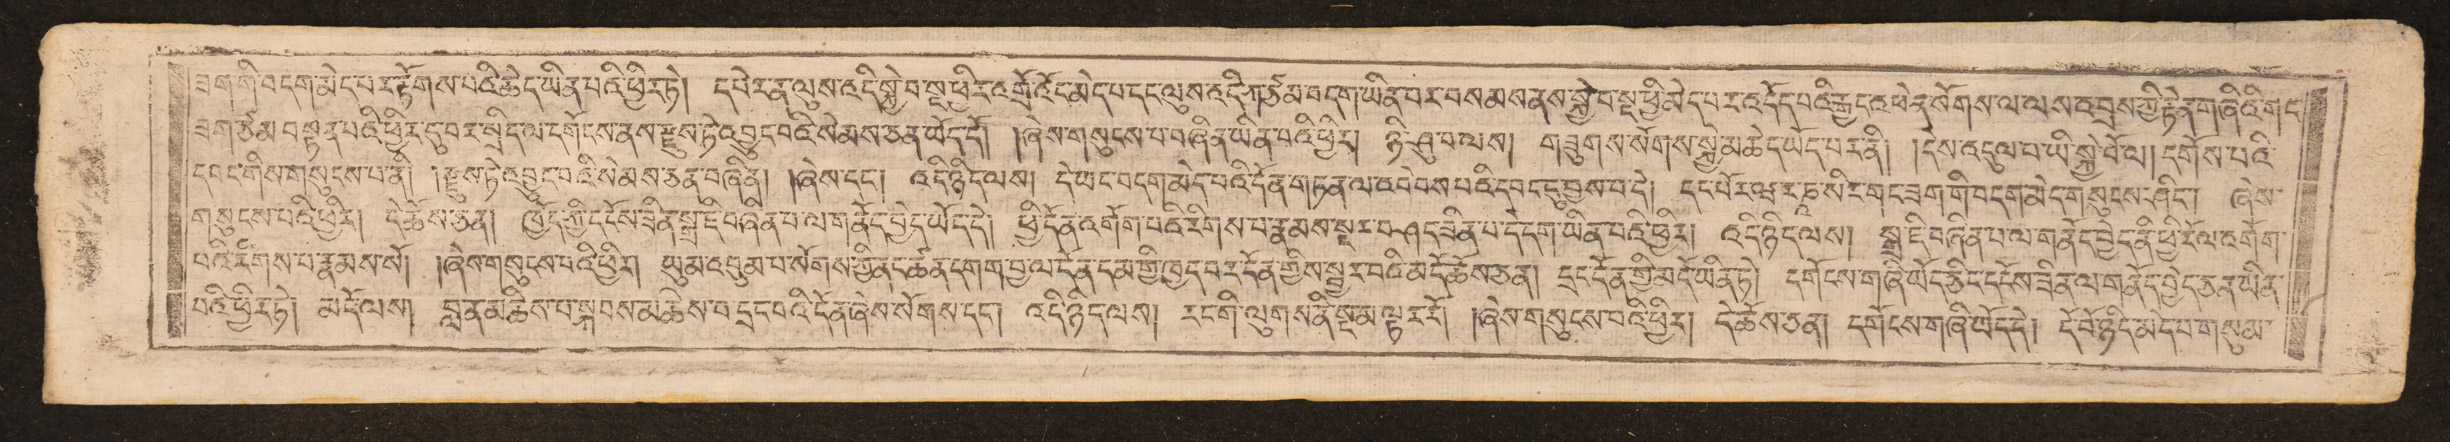ཟག་གི་བདག་མེད་པར་རྟོགས་པའི་ཆེད་ཡིན་པའི་ཕྱིར་ཏེ། དཔེར་ན་ལུས་འདི་སྐྱེ་བ་སྔ་ཕྱིར་འགྲོ་འོང་མེད་པ་དང་ལུས་འདི་ཀ་ཙམ་བདག་ཡིན་པར་བསམས་ནས་སྐྱེ་བ་སྔ་ཕྱི་མེད་པར་འདོད་པའི་རྒྱང་འཕེན་སོགས་ལ་ལས་འབྲས་ཀྱི་རྟེན་གཞིའི་གང་
ཟག་ཙམ་བསྟན་པའི་ཕྱིར་དུ་བར་སྲིད་ལ་དགོངས་ནས་རྫུས་ཏེ་འབྱུང་བའི་སེམས་ཅན་ཡོད་དོ། །ཞེས་གསུངས་པ་བཞིན་ཡིན་པའི་ཕྱིར། ཉི་ཤུ་པ་ལས། གཟུགས་སོགས་སྐྱེ་མཆེད་ཡོད་པར་ནི། །དེས་འདུལ་བ་ཡི་སྐྱེ་བོ་ལ། དགོས་པའི་
དབང་གིས་གསུངས་པ་ནི། །རྫུས་ཏེ་འབྱུང་བའི་སེམས་ཅན་བཞིན། །ཞེས་དང་། འདི་ཉིད་ལས། དེ་ཡང་བདག་མེད་པའི་དོན་གཏན་ལ་འབེབས་པའི་དབང་དུ་བྱས་པ་དེ། དང་པོར་ཝ་ར་ཎཱ་སིར་གང་ཟག་གི་བདག་མེད་གསུངས་ཤིང་། ཞེས་
གསུངས་པའི་ཕྱིར། དེ་ཆོས་ཅན། ཁྱོད་ཀྱི་དངོས་ཟིན་སྒྲ་ཇི་བཞིན་པ་ལ་གནོད་བྱེད་ཡོད་དེ། ཕྱི་དོན་འགོག་པའི་རིགས་པ་རྣམས་སྔར་བཤད་ཟིན་པ་དེ་དག་ཡིན་པའི་ཕྱིར། འདི་ཉིད་ལས། སྒྲ་ཇི་བཞིན་པ་ལ་གནོད་བྱེད་ནི་ཕྱི་རོལ་འགོག་
བའི་རིགས་པ་རྣམས་སོ། །ཞེས་གསུངས་པའི་ཕྱིར། ཡུམ་འབུམ་པ་སོགས་ཀྱི་ནང་ཚན་དགག་བྱ་ལ་དོན་དམ་གྱི་ཁྱད་པར་དོན་གྱིས་སྦྱར་བའི་མདོ་ཆོས་ཅན། དྲང་དོན་གྱི་མདོ་ཡིན་ཏེ། དགོངས་གཞི་ཡོད་ཅིང་དངོས་ཟིན་ལ་གནོད་བྱེད་ཅན་ཡིན་
པའི་ཕྱིར་ཏེ། མདོ་ལས། བླ་ན་མཆིས་པ་སྐབས་མཆིས་པ་དྲང་བའི་དོན་ཞེས་སོགས་དང་། འདི་ཉིད་ལས། རང་གི་ལུགས་ནི་སྔ་མ་ལྟར་རོ། །ཞེས་གསུངས་པའི་ཕྱིར། དེ་ཆོས་ཅན། དགོངས་གཞི་ཡོད་དེ། ངོ་བོ་ཉིད་མེད་པ་གསུམ་